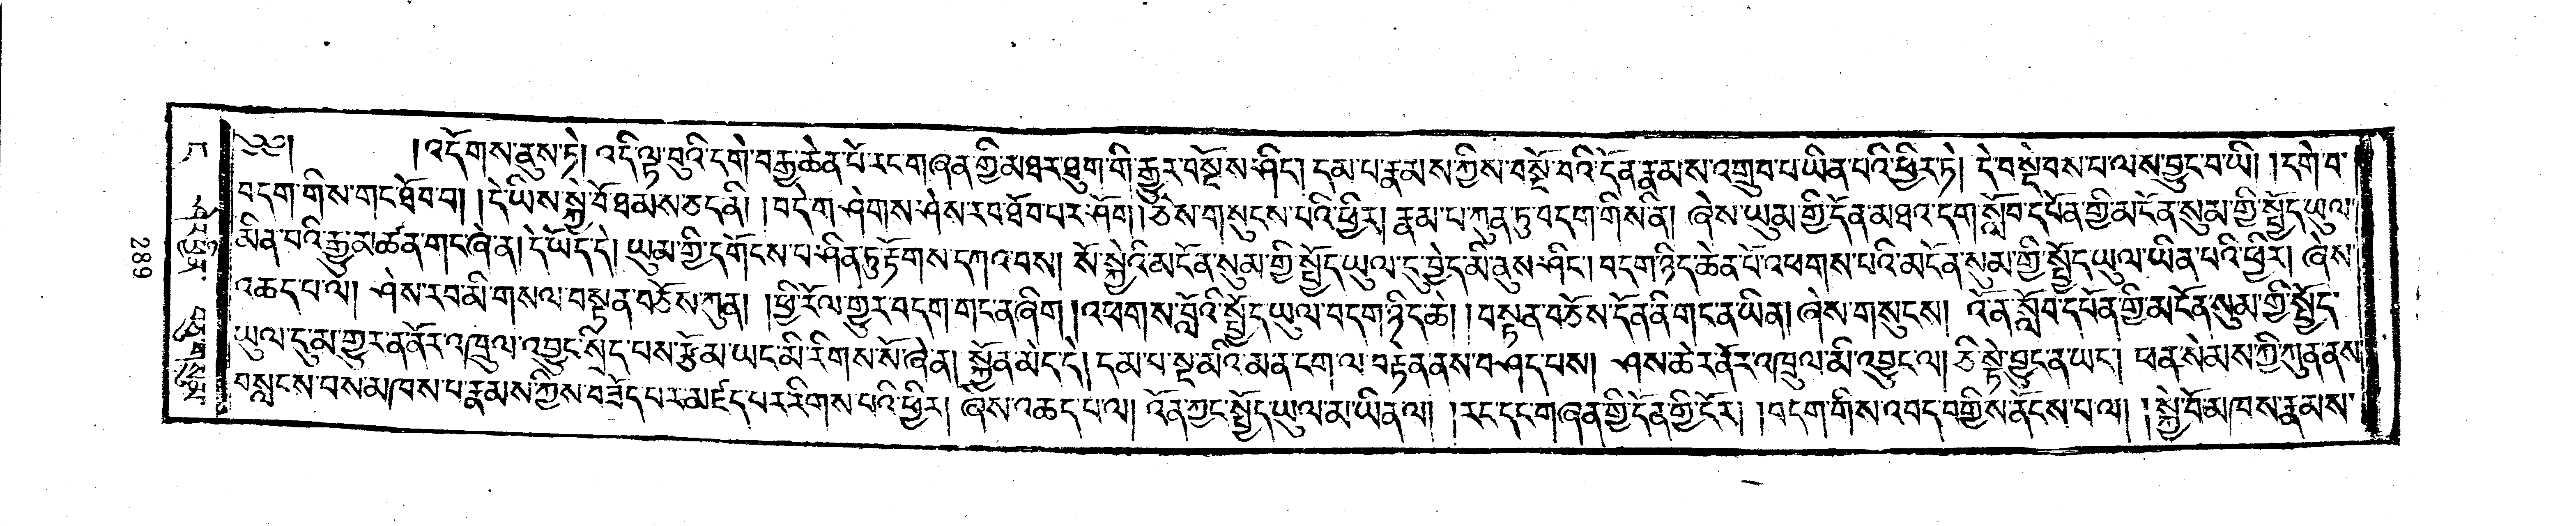༄༅། །འདོགས་ནུས་ཏེ། འདི་ལྟ་བུའི་དགེ་བ་རྒྱ་ཆེན་པོ་རང་གཞན་གྱི་མཐར་ཐུག་གི་རྒྱུར་བསྔོས་ཤིང་། དམ་པ་རྣམས་ཀྱིས་བསྔོ་བའི་དོན་རྣམས་འགྲུབ་པ་ཡིན་པའི་ཕྱིར་ཏེ། དེ་བསྡེབས་པ་ལས་བྱུང་བ་ཡི། །དགེ་བ་
བདག་གིས་གང་ཐོབ་པ། །དེ་ཡིས་སྐྱེ་བོ་ཐམས་ཅད་ནི། །བདེ་གཤེགས་ཤེས་རབ་ཐོབ་པར་ཤོག །ཅེས་གསུངས་པའི་ཕྱིར། རྣམ་པ་ཀུན་ཏུ་བདག་གིས་ནི། ཞེས་ཡུམ་གྱི་དོན་མཐའ་དག་སློབ་དཔོན་གྱི་མངོན་སུམ་གྱི་སྤྱོད་ཡུལ་
མིན་པའི་རྒྱུ་མཚན་གང་ཞེ་ན། དེ་ཡོད་དེ། ཡུམ་གྱི་དགོངས་པ་ཤིན་ཏུ་རྟོགས་དཀའ་བས། སོ་སྐྱེའི་མངོན་སུམ་གྱི་སྤྱོད་ཡུལ་དུ་བྱེད་མི་ནུས་ཤིང་། བདག་ཉིད་ཆེན་པོ་འཕགས་པའི་མངོན་སུམ་གྱི་སྤྱོད་ཡུལ་ཡིན་པའི་ཕྱིར། ཞེས་
འཆད་པ་ལ། ཤེས་རབ་མི་གསལ་བསྟན་བཅོས་ཀུན། །ཕྱི་རོལ་གྱུར་བདག་གང་ན་ཞིག །འཕགས་བློའི་སྤྱོད་ཡུལ་བདག་ཉིད་ཆེ། །བསྟན་བཅོས་དོན་ནི་གང་ན་ཡིན། ཞེས་གསུངས། འོ་ན་སློབ་དཔོན་གྱི་མངོན་སུམ་གྱི་སྤྱོད་
ཡུལ་དུ་མ་གྱུར་ན་ནོར་འཁྲུལ་འབྱུང་སྲིད་པས་རྩོམ་ཡང་མི་རིགས་སོ་ཞེ་ན། སྐྱོན་མེད་དེ། དམ་པ་སྔ་མའི་མན་ངག་ལ་བརྟེན་ནས་བཤད་པས། ཤས་ཆེར་ནོར་འཁྲུལ་མི་འབྱུང་ལ། ཅི་སྟེ་བྱུང་ན་ཡང་། ཕན་སེམས་ཀྱི་ཀུན་ནས་
བསླངས་པས་མཁས་པ་རྣམས་ཀྱིས་བཟོད་པར་མཛད་པར་རིགས་པའི་ཕྱིར། ཞེས་འཆད་པ་ལ། འོན་ཀྱང་སྤྱོད་ཡུལ་མ་ཡིན་ལ། །རང་དང་གཞན་གྱི་དོན་གྱི་ངོར། །བདག་གིས་འབད་བགྱིས་ནོངས་པ་ལ། །སྐྱེ་བོ་མཁས་རྣམས་